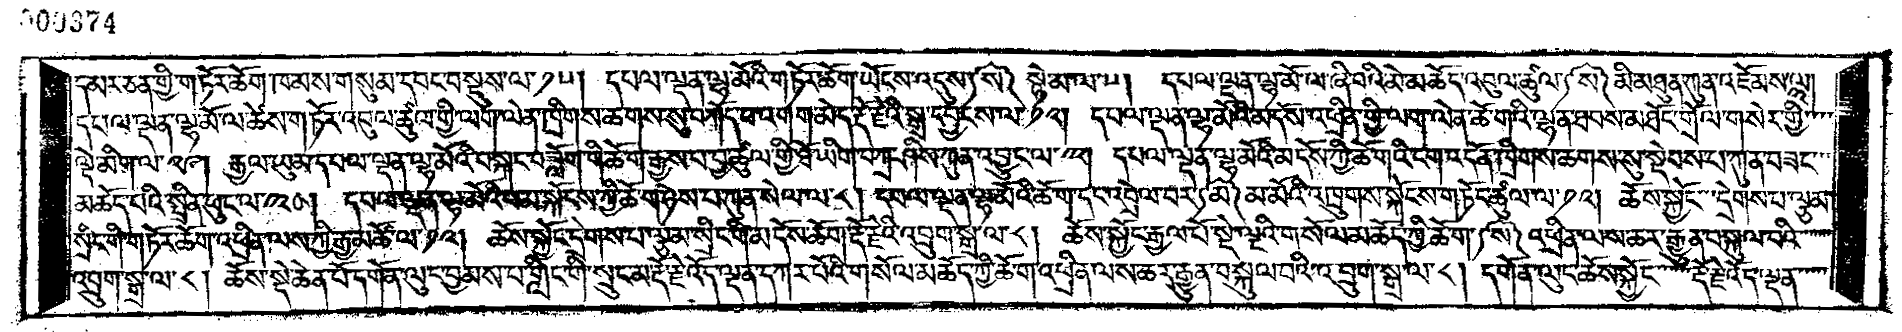དམར་ཅན་གྱི་གཏོར་ཆོག་ཁམས་གསུམ་དབང་བསྡུས་ལ ༡༥། དཔལ་ལྡན་ལྷ་མོའི་གཏོར་ཆོག་ཡོངས་འདུས ༼ས༽ སྙེ་མ་ལ ༥། དཔལ་ལྡན་ལྷ་མོ་ལ་ཞི་བའི་མེ་མཆོད་འབུལ་ཚུལ ༼ས༽ མི་མཐུན་ཀུན་འཇོམས་ལ ༣།
དཔལ་ལྡན་ལྷ་མོ་ལ་ཚེས་གཏོར་འབུལ་ཚུལ་གྱི་ལག་ལེན་ཁྲིགས་ཆགས་སུ་བཀོད་པ་འགག་མེད་རྡོ་རྗེའི་སྒྲ་དབྱངས་ལ ༡༢། དཔལ་ལྡན་ལྷ་མོའི་མདོས་འཕྲིན་གྱི་ལག་ལེན་ཆོ་གའི་ལྷན་ཐབས་མཐོང་གྲོལ་གསེར་གྱི་
ལྡེ་མིག་ལ ༢༩། རྒྱལ་ཡུམ་དཔལ་ལྡན་ལྷ་མོའི་བསྐང་བཟློག་གི་ཆོ་ག་རྒྱས་པ་བྱ་ཚུལ་གྱི་ཐོ་ཡིག་བཀྲ་ཤིས་ཀུན་འབྱུང་ལ ༣། དཔལ་ལྡན་ལྷ་མོའི་མདོས་ཀྱི་ཆོ་གའི་ངག་འདོན་ཁྲིགས་ཆགས་སུ་སྡེབས་པ་ཀུན་བཟང་
མཆོད་པའི་སྤྲིན་ཕུང་ལ ༣༦། དཔལ་ལྡན་ལྷ་མོའི་བམ་སྐོངས་ཀྱི་ཆོ་ག་ཉེས་པ་ཀུན་སེལ་ལ ༨། དཔལ་ལྡན་ལྷ་མོའི་ཆོ་ག་དང་འབྲེལ་བར ༼མ༽ མ་མོའི་འཁྲུགས་སྐོངས་གཏོང་ཚུལ་ལ ༡༢། ཆོས་སྐྱོང་དྲེགས་པ་ལྕམ་
སྲིང་གི་གཏོར་ཆོག་འཕྲིན་ལས་ཀྱི་རྒྱ་མཚོ་ལ ༡༢། ཆོས་སྐྱོང་དྲེགས་པ་ལྕམ་སྲིང་གི་མདོས་ཆོག་རྡོ་རྗེའི་འབྲུག་སྒྲ་ལ ༨། ཆོས་སྐྱོང་རྒྱལ་པོ་སྡེ་ལྔའི་གསོལ་མཆོད་ཀྱི་ཆོ་ག ༼ས༽ འཕྲིན་ལས་ཆར་རྒྱུན་བསྐུལ་བའི་
འབྲུག་སྒྲ་ལ ༨། ཆོས་སྡེ་ཆེན་པོ་དགོན་ལུང་བྱམས་པ་གླིང་གི་སྲུང་མ་རྡོ་རྗེ་འོད་ལྡན་དཀར་པོའི་གསོལ་མཆོད་ཀྱི་ཆོ་ག་འཕྲིན་ལས་ཆར་རྒྱུན་བསྐུལ་བའི་འབྲུག་སྒྲ་ལ ༨། དགོན་ལུང་ཆོས་སྐྱོང་རྡོ་རྗེ་འོད་ལྡན་